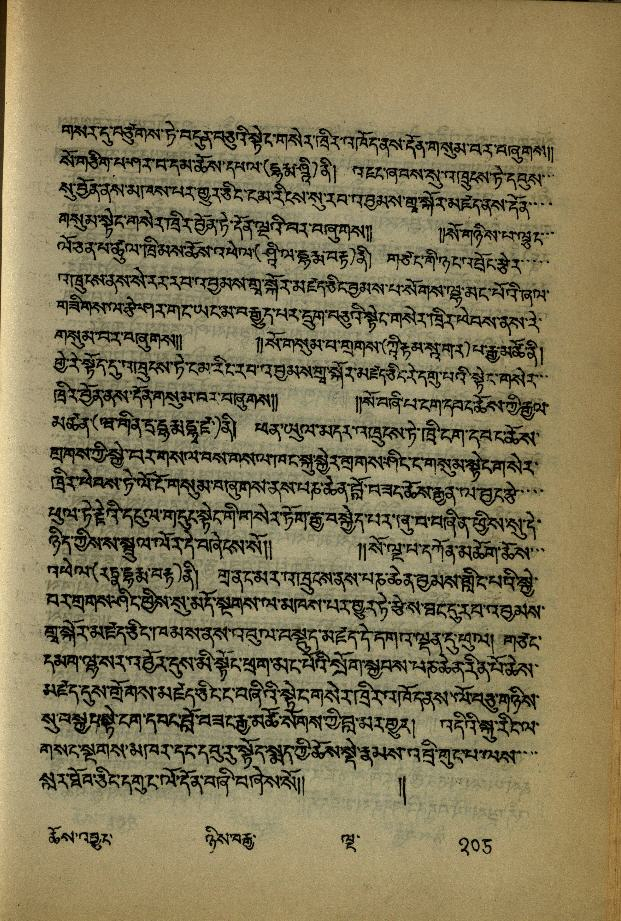གསར་དུ་བཙུགས་ཏེ་བདུན་བཅུའི་སྟེང་གསེར་ཁྲིར་འཁོད་ནས་དོན་གསུམ་བར་བཞུགས།།
སོ་གཅིག་པ་ཤར་བ་དམ་ཆོས་དཔལ་དྷརྨ་ཤྲཱི་ནི། འཇང་ཞབས་སུ་འཁྲུངས་ཏེ་དབུས་
སུ་བྱོན་ནས་མཁས་པར་གྱུར་ཅིང་ངམ་རིངས་སུ་རབ་འབྱམས་གྲྭ་སྐོར་མཛད་ནས་དོན་
གསུམ་སྟེང་གསེར་ཁྲིར་བྱོན་ཏེ་དོན་ལྔའི་བར་བཞུགས།། །།སོ་གཉིས་པ་ལྕང་
ལོ་ཅན་པ་ཚུལ་ཁྲིམས་ཆོས་འཕེལ་ཤཱི་ལ་དྷརྨ་བརྟ་ནི། གཙང་གི་ཉང་འབྲོང་རྩེར་
འཁྲུངས་ནས་སེ་རར་རབ་འབྱམས་གྲྭ་སྐོར་མཛད་ཅིང་བྱམས་པ་སོགས་ལྷ་མང་པོའི་ཞལ་
གཟིགས་ལ་རྩེ་ཤར་གང་ཡང་མ་བརྒྱུད་པར་དྲུག་བཅུའི་སྟེང་གསེར་ཁྲིར་ཕེབས་ནས་རེ་
གསུམ་པར་བཞུགས།། །།སོ་གསུམ་པ་གྲགས་་ཀཱི་རྟམ་སཱ་ག་ར་པ་རྒྱ་མཚོ་ནི།
གྱེ་རེ་སྟོད་དུ་འཁྲུངས་ཏེ་ངམ་རིང་རབ་འབྱམས་གྲྭ་སྐོར་མཛད་ཅིང་རེ་དགུ་པའི་སྟེང་གསེར་
ཁྲིར་བྱོན་ནས་དོན་གསུམ་བར་གཞུགས།། །།སོ་བཞི་པ་ངག་དབང་ཆོས་ཀྱི་རྒྱལ་
མཚན་ཝ་གིན་དྲ་དྷརྨ་དྷྭ་ཛ་ནི། ཕན་ཡུལ་མདར་འཁྲུངས་ཏེ་ཁྲི་ངག་དབང་ཆོས་
གྲགས་ཀྱི་སྐྱེ་བར་གསལ་བས་གསལ་ཁང་སྐུ་སྐྱེར་གྲགས་ཤིང་ང་གསུམ་སྟེང་གསེར་
ཁྲིར་ཕེབས་ཏེ་ལོ་ངོ་གསུམ་བཞུགས་ནས་པཎ་ཆེན་བློ་བཟང་ཆོས་རྒྱན་ལ་བྱང་རྩེ་
ཕུལ་ཏེ་རྗེའི་དངུལ་གདུང་སྟེང་གི་གསེར་ཏོག་རྒྱ་བསྐྱེད་པར་ཞུ་བ་བཞིན་ཕྱིས་སུ་དེ་
ཉིད་ཀྱིས་ས་སྦྲུལ་ལོར་དེ་བཞེངས་སོ།། །།སོ་ལྔ་པ་དཀོན་མཆོག་ཆོས་
འཕེལ་རཏྣ་དྷརྨ་བརྟ་ནི། གྲ་ནང་མར་འཁྲུངས་ནས་པཎ་ཆེན་བྱམས་གླིང་པའི་སྐྱེ་
བར་གྲགས་ཤིང་ཕྱིས་སུ་མདོ་སྔགས་ལ་མཁས་པར་གྱུར་ཏེ་རྩེས་ཐང་དུ་རབ་འབྱམས་
གྲྭ་སྐོར་མཛད་ཅིང་ཁམས་ནས་འབུལ་བསྡུད་མཛད་དེ་དགའ་ལྡན་དུ་ཕུལ། གཙང་
དམག་ལྷ་སར་འབྱོར་དུས་མི་སྟོང་ཕྲག་མང་པོའི་སྲོག་སྐྱབས་པཎ་ཆེན་རིན་པོ་ཆེས་
མཛད་དུས་གྲོགས་མཛད་ཅིང་ང་བཞིའི་སྟེང་གསེར་ཁྲིར་འཁོད་ནས་ལོ་བཅུ་གཉིས་
སུ་བསྐྱབ་སྟེ་ངག་དབང་བློ་བཟང་རྒྱ་མཚོ་སོགས་ཀྱི་བླ་མར་གྱུར། འདིའི་སྐུ་རིང་ལ་
གསང་སྔགས་མཁར་དང་དབུ་རུ་སྟོད་སྨད་ཀྱི་ཆོས་སྡེ་རྣམས་འབྲི་གུང་པ་ལས་
སླར་ཐོབ་ཅིང་དགུང་ལོ་དོན་བཞི་བཞེས་སོ།། །།